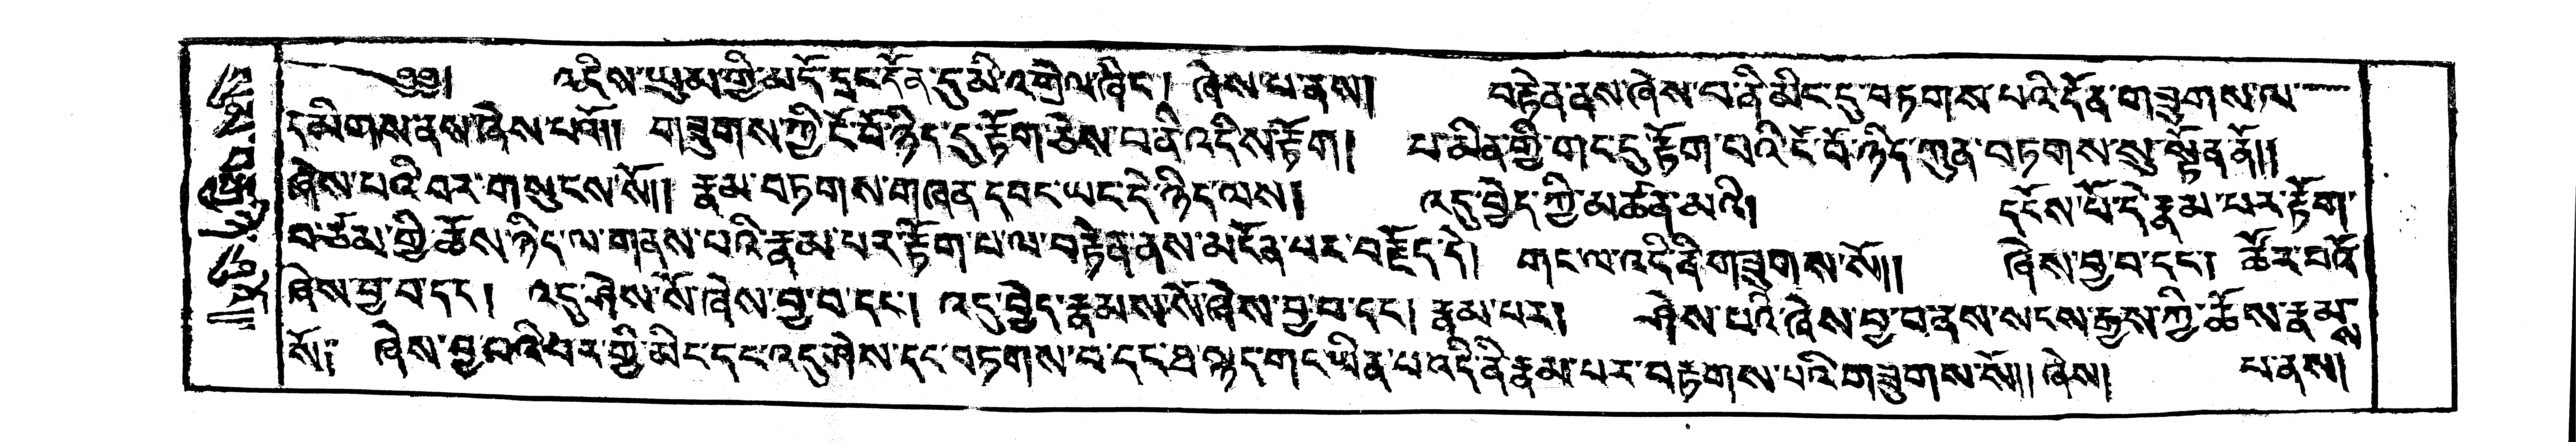༄༅། །འདིས་ཡུམ་གྱི་མདོ་དྲང་དོན་དུ་མི་འགྲེལ་ཞིང་། ཞེས་པ་ནས། བརྟེན་ནས་ཞེས་པ་ནི་མིང་དུ་བཏགས་པའི་དོན་གཟུགས་ལ་
དམིགས་ནས་ཞེས་པའོ། །གཟུགས་ཀྱི་ངོ་བོ་ཉིད་དུ་རྟོག་ཅེས་པ་ནི་འདིས་རྟོག། པ་མིན་གྱི་གང་དུ་རྟོག་པའི་ངོ་བོ་ཉིད་ཀུན་བཏགས་སུ་སྟོན་ནོ།།
ཞེས་པའི་བར་གསུངས་སོ།། རྣམ་བཏགས་གཞན་དབང་ཡང་དེ་ཉིད་ལས། འདུ་བྱེད་ཀྱི་མཚན་མའི། དངོས་པོ་དེ་རྣམ་པར་རྟོག་
བ་ཙམ་གྱི་ཆོས་ཉིད་ལ་གནས་པའི་རྣམ་པར་རྟོག་པ་ལ་བརྟེན་ནས་མངོན་པར་བརྗོད་དེ། གང་ལ་འདི་ནི་གཟུགས་སོ། །ཞེས་བྱ་བ་དང་། ཚོར་བའོ་
ཞེས་བྱ་བ་དང་། འདུ་ཤེས་སོ་ཞེས་བྱ་བ་དང་། འདུ་བྱེད་རྣམས་སོ་ཞེས་བྱ་བ་དང་། རྣམ་པར། ཤེས་པའི་ཞེས་བྱ་བ་ནས་སངས་རྒྱས་ཀྱི་ཆོས་རྣམས་
སོ༑ ཞེས་བྱ་བའི་བར་གྱི་མིང་དང་འདུ་ཤེས་དང་བཏགས་པ་དང་ཐ་སྙད་གང་ཡིན་པ་འདི་ནི་རྣམ་པར་བརྟགས་པའི་གཟུགས་སོ། །ཞེས། པ་ནས།